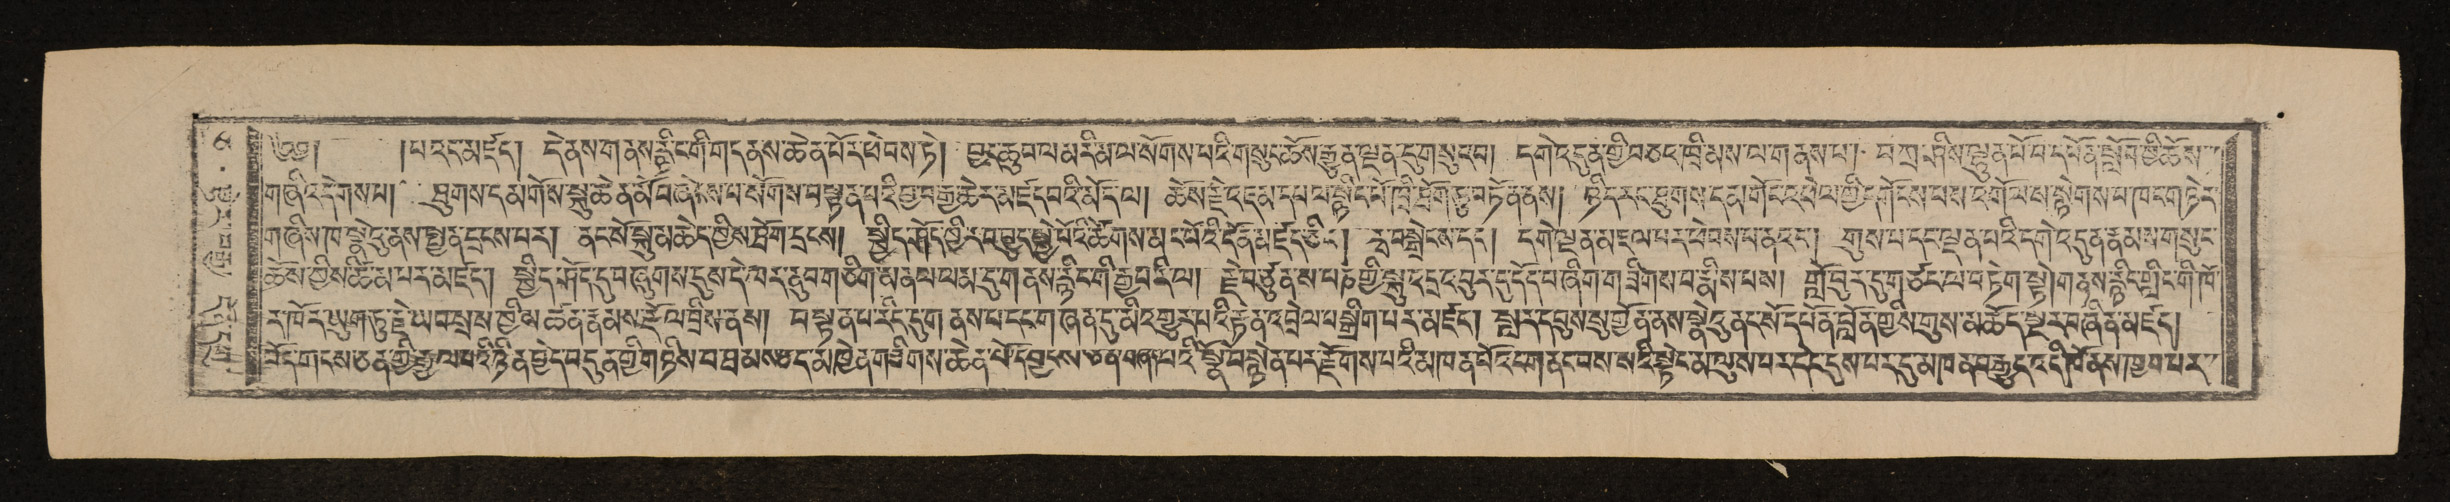༄༅། །པའང་མཛད། དེ་ནས་གནས་རྙིང་གི་གདན་ས་ཆེན་པོར་ཕེབས་ཏེ། བྱང་ཆུབ་ལམ་རིམ་ལ་སོགས་པའི་གསུང་ཆོས་རྒྱུན་ལྡན་དུ་གསུང་བ། དགེ་འདུན་གྱི་བཅའ་ཁྲིམས་ལ་གནས་པ། བཀྲ་ཤིས་ལྷུན་པོ་བ་དཔོན་སློབ་ཀྱི་ཆོས་
གཞི་འདེགས་པ། ཐུགས་དམ་གོས་སྐུ་ཆེན་མོ་བཞེངས་པ་སོགས་བསྟན་པའི་བྱ་བ་རྒྱ་ཆེར་མཛད་པའི་མོད་ལ། ཆོས་རྗེ་འཇམ་དཔལ་སྙིང་པོ་ཁྲི་ཐོག་ཏུ་བཏོན་ནས། ཉིད་རང་ཐུགས་དམ་གོང་འཕེལ་གྱི་དགོངས་པས་འགོལ་ས་སྙེགས་པ་ཁང་གཉེར་
གཞིས་ཁ་སྣེའུ་ནས་སྤྱན་དྲངས་པར། ནང་སོ་སྐུ་མཆེད་ཀྱིས་ཐོག་དྲངས། སྐྱིད་ཤོད་ཀྱི་རབ་བྱུང་སྐྱེ་བོའི་ཚོགས་མང་པོའི་དོན་མཛད་ཅིང་། རྭ་བསྒྲེངས་དང་། དགེ་ལྡན་མཇལ་བར་ཕེབས་པ་ནའང་། གུས་པ་དང་ལྡན་པའི་དགེ་འདུན་རྣམས་གསུང་
ཆོས་ཀྱིས་ཚིམ་པར་མཛད། སྐྱིད་ཤོད་དུ་བཞུགས་དུས་དེ་ཁར་ནུབ་གཅིག་མནལ་ལམ་དུ་གནས་རྙིང་གི་རྒྱབ་རི་ལ། རྗེ་བཙུན་ས་པཎ་གྱི་སྐུ་འདྲ་འབུར་དུ་དོད་པ་ཞིག་གཟིགས་པ་རྨིས་པས། གློ་བུར་དུ་གཙང་ལ་བཏེག་སྟེ། གནས་རྙིང་གླིང་གི་ཁོ་
ར་ཁོར་ཡུག་ཏུ་རྗེ་ཡབ་སྲས་ཀྱི་མཚན་རྣམས་རྡོ་ལ་བྲིས་ནས། བསྟན་པ་རིང་དུ་གནས་པ་དང་གཞན་དུ་མི་འགྱུར་བའི་རྟེན་འབྲེལ་བསྒྲིག་པར་མཛད། སླར་དབུས་སུ་བྱོན་ནས་སྣེའུ་ནང་སོ་དཔོན་བློན་གྱིས་གུས་མཆོད་སྔར་བཞིན་མཛད།
བོད་གངས་ཅན་གྱི་རྒྱལ་བའི་ཉིན་བྱེད་བདུན་གྱི་གཉིས་པ་ཐམས་ཅད་མཁྱེན་གཟིགས་ཆེན་པོ་དབྱངས་ཅན་བཞད་པའི་རྡོ་རྗེ་བསྙེན་པར་རྫོགས་པའི་མཁན་པོའང་གནང་བས་སའི་སྟེང་མ་ལུས་པར་དེང་དུས་པར་དུ་མཁན་བརྒྱུད་འདི་ཁོ་ནས་ཁྱབ་པར་